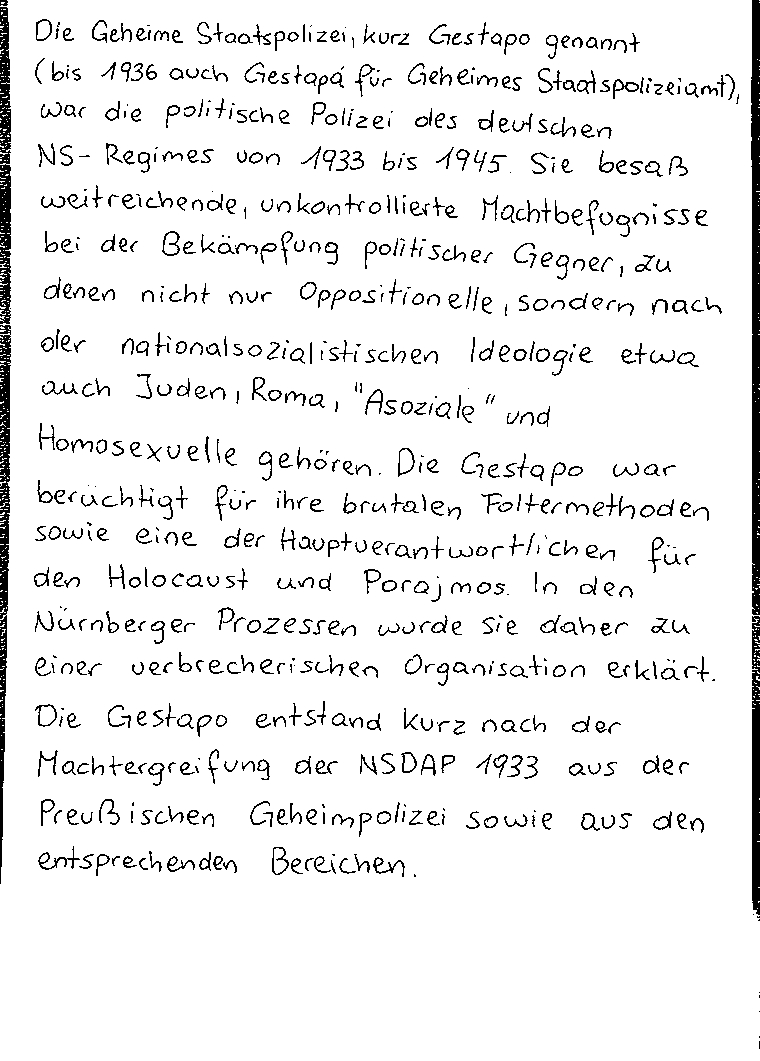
Die Geheime Staatspolizei, kurz Gestapo genannt
(bis 1936 auch Gestapa für Geheimes Staatspolizeiamt),
war die politische Polizei des deutschen
NS-Regimes von 1933 bis 1945. Sie besaß
weitreichende, unkontrollierte Machtbefugnisse
bei der Bekämpfung politischer Gegner, zu
denen nicht nur Oppositionelle, sondern nach
der nationalsozialistischen Ideologie etwa
auch Juden, Roma, "Asoziale" und
Homosexuelle gehörten. Die Gestapo war
berüchtigt für ihre brutalen Foltermethoden
sowie eine der Hauptverantwortlichen für
den Holocaust und Porajmos. In den
Nürnberger Prozessen wurde sie daher zu
einer verbrecherischen Organisation erklärt.
Die Gestapo entstand kurz nach der
Machtergreifung der NSDAP 1933 aus der
Preußischen Geheimpolizei sowie aus den
entsprechenden Bereichen
